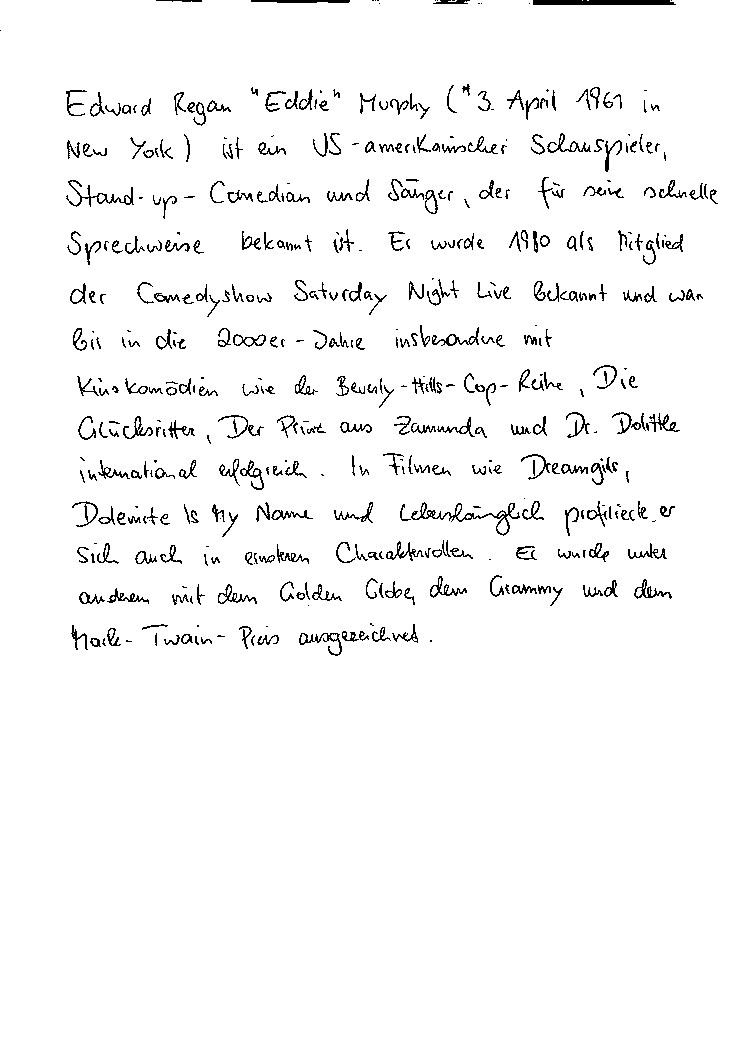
Edward Regan "Eddie" Murphy (* 3. April 1961 in
New York) ist ein US-amerikanischer Schauspieler,
Stand-up-Comedian und Sänger, der für seine schnelle
Sprechweise bekannt ist. Er wurde 1980 als Mitglied
der Comedyshow Saturday Night Live bekannt und war
bis in die 2000er-Jahre insbesondere mit
Kinokomödien wie der Beverly- Hills-Cop-Reihe, Die
Glücksritter, Der Prinz aus Zamunda und Dr. Dolittle
international erfolgreich. In Filmen wie Dreamgirls,
Dolemite Is My Name und Lebenslänglich profilierte er
sich auch in ernsteren Charakterrollen. Er wurde unter
anderem mit dem Golden Globe, dem Grammy und dem
Mark-Twain-Preis ausgezeichnet.
